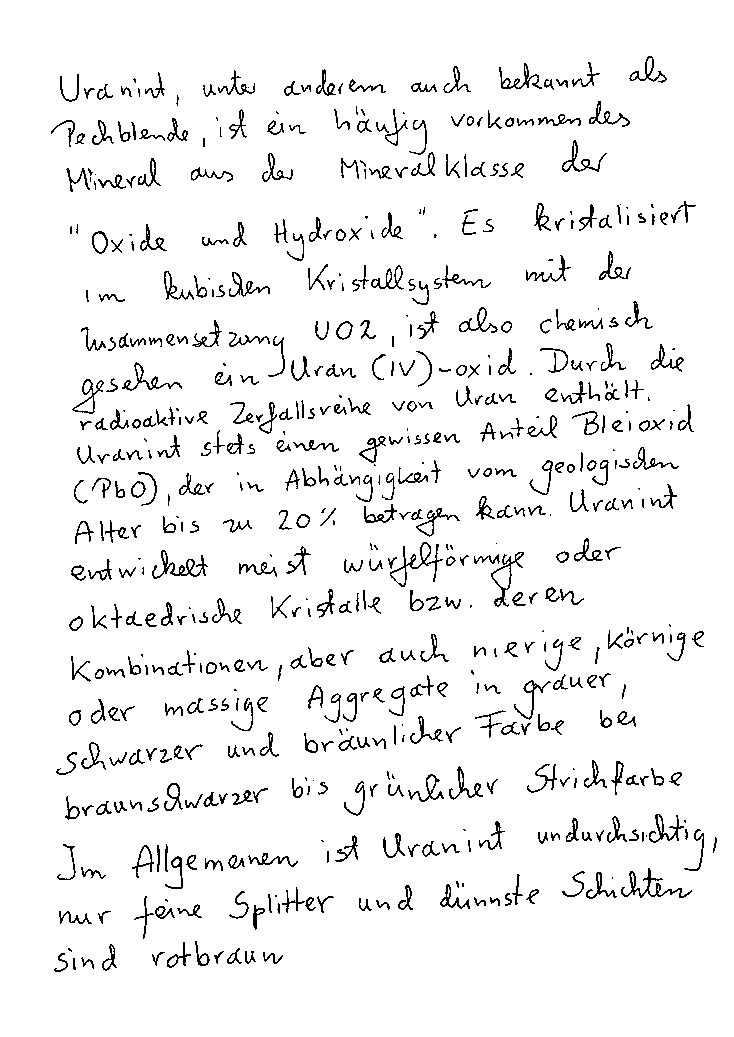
Uraninit, unter anderem auch bekannt als
Pechblende, ist ein häufig vorkommendes
Mineral aus der Mineralklasse der
"Oxide und Hydroxide". Es kristallisiert
im kubischen Kristallsystem mit der
Zusammensetzung UO2, ist also chemisch
gesehen ein Uran(IV)-oxid. Durch die
radioaktive Zerfallsreihe von Uran enthält
Uraninit stets einen gewissen Anteil Bleioxid
(PbO), der in Abhängigkeit vom geologischen
Alter bis zu 20 % betragen kann.Uraninit
entwickelt meist würfelförmige oder
oktaedrische Kristalle bzw. deren
Kombinationen, aber auch nierige, körnige
oder massige Aggregate in grauer,
schwarzer und bräunlicher Farbe bei
braunschwarzer bis grünlicher Strichfarbe
Im Allgemeinen ist Uraninit undurchsichtig,
nur feine Splitter und dünnste Schichten
sind rotbraun
